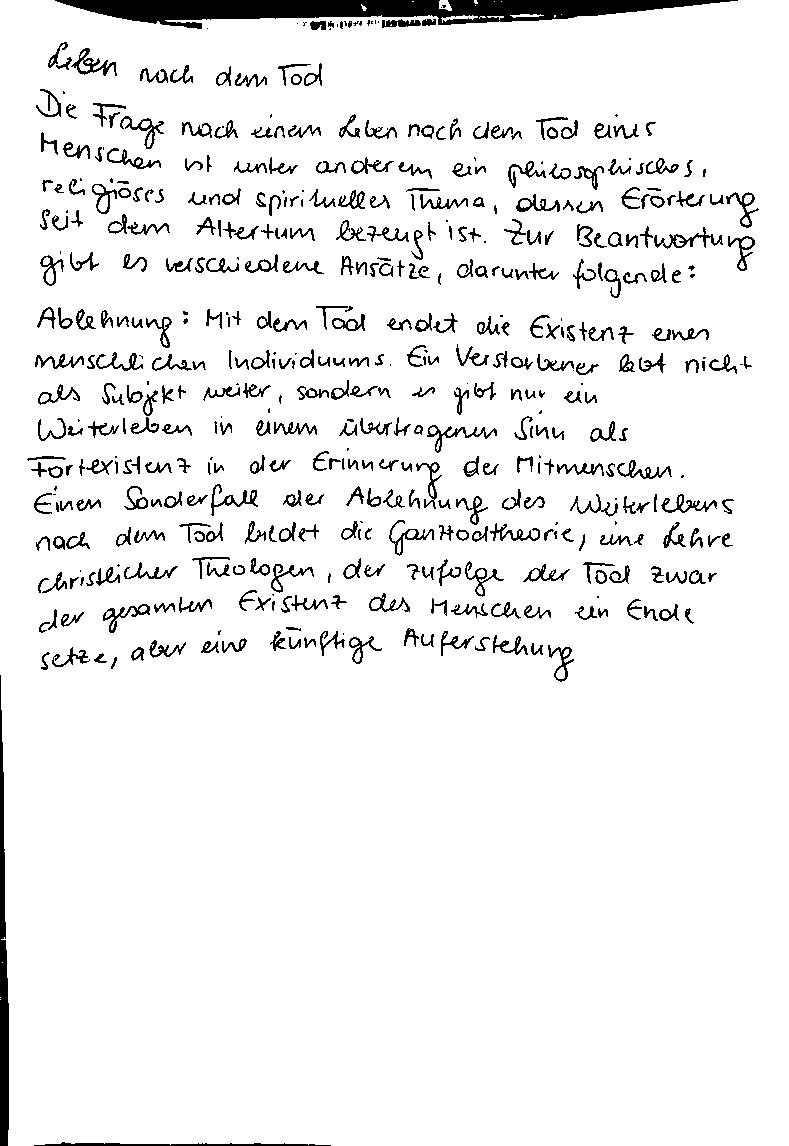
Leben nach dem Tod
Die Frage nach einem Leben nach dem Tod eines
Menschen ist unter anderem ein philosophisches,
religiöses und spirituelles Thema, dessen Erörterung
seit dem Altertum bezeugt ist Zur Beantwortung
gibt es verschiedene Ansätze, darunter folgende:
Ablehnung: Mit dem Tod endet die Existenz eines
menschlichen Individuums Ein Verstorbener lebt nicht
als Subjekt weiter, sondern es gibt nur ein
Weiterleben in einem übertragenen Sinn als
Fortexistenz in der Erinnerung der Mitmenschen.
Einen Sonderfall der Ablehnung des Weiterlebens
nach dem Tod bildet die Ganztodtheorie, eine Lehre
christlicher Theologen, der zufolge der Tod zwar
der gesamten Existenz des Menschen ein Ende
Setze, aber eine künftige Auferstehung
